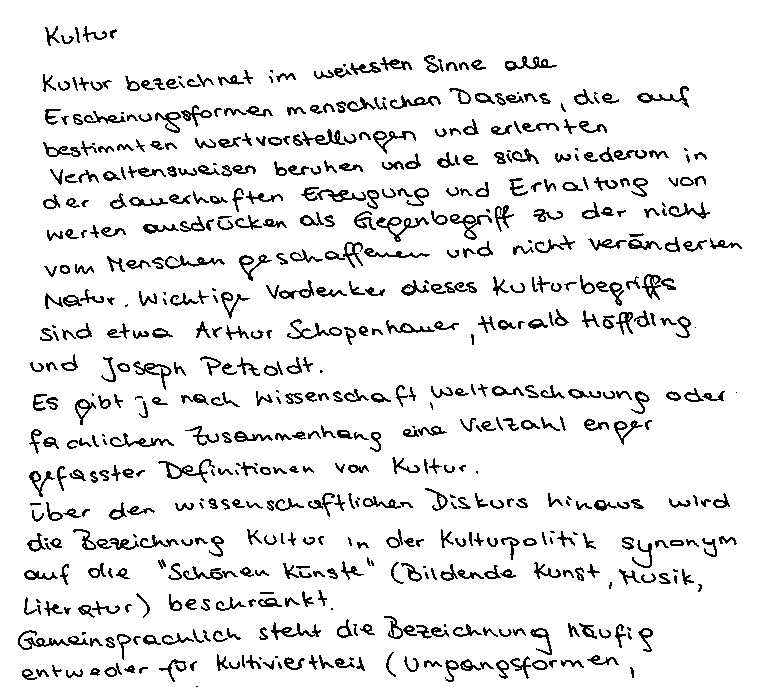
Kultur
Kultur bezeichnet im weitesten Sinne alle
Erscheinungsformen menschlichen Daseins, die auf
bestimmten Wertvorstellungen und erlernten
Verhaltensweisen beruhen und die sich wiederum in
der dauerhaften Erzeugung und Erhaltung von
Werten ausdrücken als Gegenbegriff zu der nicht
vom Menschen geschaffenen und nicht veränderten
Natur. Wichtige Vordenker dieses Kulturbegriffs
sind etwa Arthur Schopenhauer, Harald Höffding
und Joseph Petzoldt.
Es gibt je nach Wissenschaft, Weltanschauung oder
fachlichem Zusammenhang eine Vielzahl enger
gefasster Definitionen von Kultur.
Über den wissenschaftlichen Diskurs hinaus wird
die Bezeichnung Kultur in der Kulturpolitik synonym
auf die "Schönen Künste" (Bildende Kunst, Musik,
Literatur) beschränkt.
Gemeinsprachlich steht die Bezeichnung häufig
entweder für Kultiviertheit (Umgangsformen,
